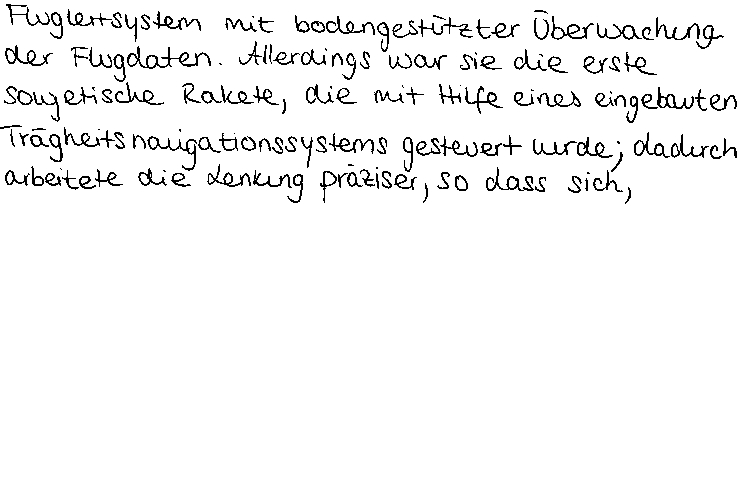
Flugleitsystem mit bodengestützter Überwachung
der Flugdaten. Allerdings war sie die erste
sowjetische Rakete, die mit Hilfe eines eingebauten
Trägheitsnavigationssystems gesteuert wurde; dadurch
arbeitete die Lenkung präziser, so dass sich,
